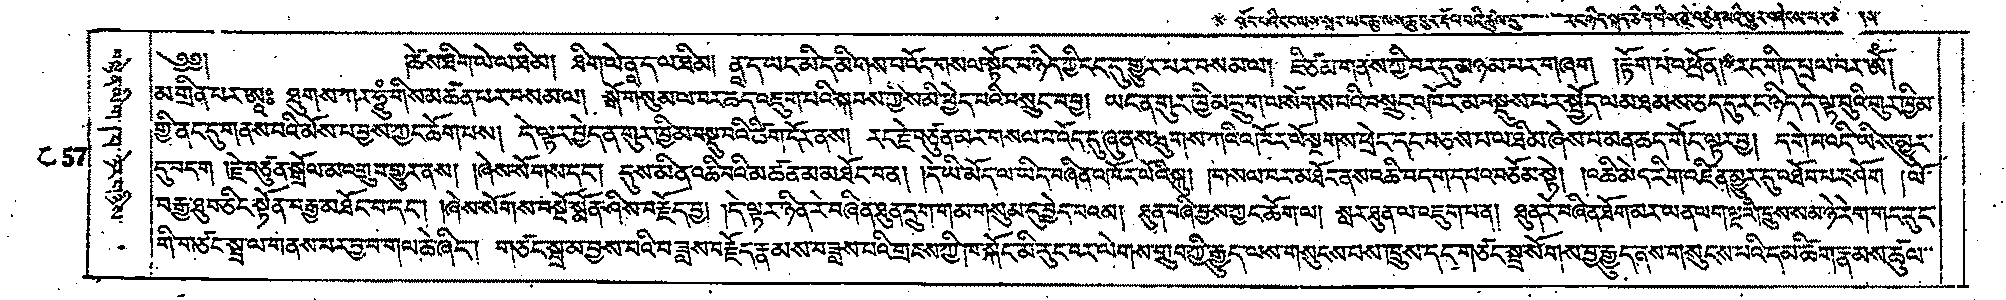༄༅། །ཚེས་ཐིག་ལེ་ལ་ཐིམ། ཐིག་ལེ་ནཱ་ད་ལ་ཐིམ། ནཱ་ད་ཡང་མི་དམིགས་པ་འོད་གསལ་སྟོང་པ་ཉིད་ཀྱི་ངང་དུ་གྱུར་པར་བསམ་ལ། ཇི་ཙམ་གནས་ཀྱི་བར་དུ་མཉམ་པར་གཞག །རྟོག་པ་འཕྲོ་ན། རང་གི་དཔྲལ་བར་ཨོཾ།
མགྲིན་པར་ཨཱཿ ཐུགས་ཀར་ཧཱུཾ་གིས་མཚན་པར་བསམ་ལ། སྒོ་གསུམ་ལ་བར་ཆད་འཇུག་པའི་སྐབས་ཀྱིས་མི་ཕྱེད་པའི་བསྲུང་བ་བྱ། ཡང་ན་གུར་ཁྱིམ་དྲུག་ལ་སོགས་པའི་བསྲུང་འཁོར་མ་བསྡུས་པར་སྤྱོད་ལམ་ཐམས་ཅད་དུ་རང་ཉིད་དེ་ལྟ་བུའི་གུར་ཁྱིམ་
གྱི་ནང་དུ་གནས་པའི་མོས་པ་བྱས་ཀྱང་ཆོག་པས། དེ་ལྟར་བྱེད་ན་གུར་ཁྱིམ་བསྡུ་བའི་ཚིག་དོར་ནས། རང་རྗེ་བཙུན་མར་གསལ་བ་འོད་དུ་ཞུ་ནས་ཐུགས་ཀའི་འཁོར་ལོ་སྔགས་ཕྲེང་དང་བཅས་པ་ལ་ཐིམ་ཞེས་པ་མན་ཆད་གོང་ལྟར་བྱ། དགེ་བ་འདི་ཡིས་མྱུར་
དུ་བདག །རྗེ་བཙུན་སྒྲོལ་མ་འགྲུབ་གྱུར་ནས། །ཞེས་སོགས་དང་། དུས་མིན་འཆི་བའི་མཚན་མ་མཐོང་བ་ན། །དེ་ཡི་མོད་ལ་ཡིད་བཞིན་འཁོར་ལོའི་སྐུ། །གསལ་བར་མཐོང་ནས་འཆི་བདག་དཔའ་བཅོམ་སྟེ། །འཆི་མེད་རིག་འཛིན་མྱུར་དུ་འཐོབ་པར་ཤོག །ལོ་
བརྒྱ་ཐུབ་ཅིང་སྟོན་བརྒྱ་མཐོང་བ་དང་། །ཞེས་སོགས་བསྔོ་སྨོན་ཤིས་བརྗོད་བྱ། །དེ་ལྟར་ཉིན་རེ་བཞིན་ཐུན་དྲུག་གམ་གསུམ་དུ་བྱེད་པའམ། ཐུན་བཞི་བྱས་ཀྱང་ཆོག་ལ། སླར་ཐུན་ལ་འཇུག་པ་ན། ཐུན་རེ་བཞིན་ཐོག་མར་ཡན་ལག་ལྔའི་ཁྲུས་སམ་ཉེ་རེག་གང་རུང་
གི་གཙང་སྦྲ་ལ་གནས་པར་བྱ་བ་གལ་ཆེ་ཞིང་། གཙང་སྦྲ་མ་བྱས་པའི་བཟླས་བརྗོད་རྣམས་བཟླས་པའི་གྲངས་ཀྱི་ཁ་སྐོང་མི་རུང་བར་ལེགས་གྲུབ་ཀྱི་རྒྱུད་ལས་གསུངས་པས་ཁྲུས་དང་གཙང་སྦྲ་སོགས་བྱ་རྒྱུད་ནས་གསུངས་པའི་དམ་ཚིག་རྣམས་ཚུལ་་་